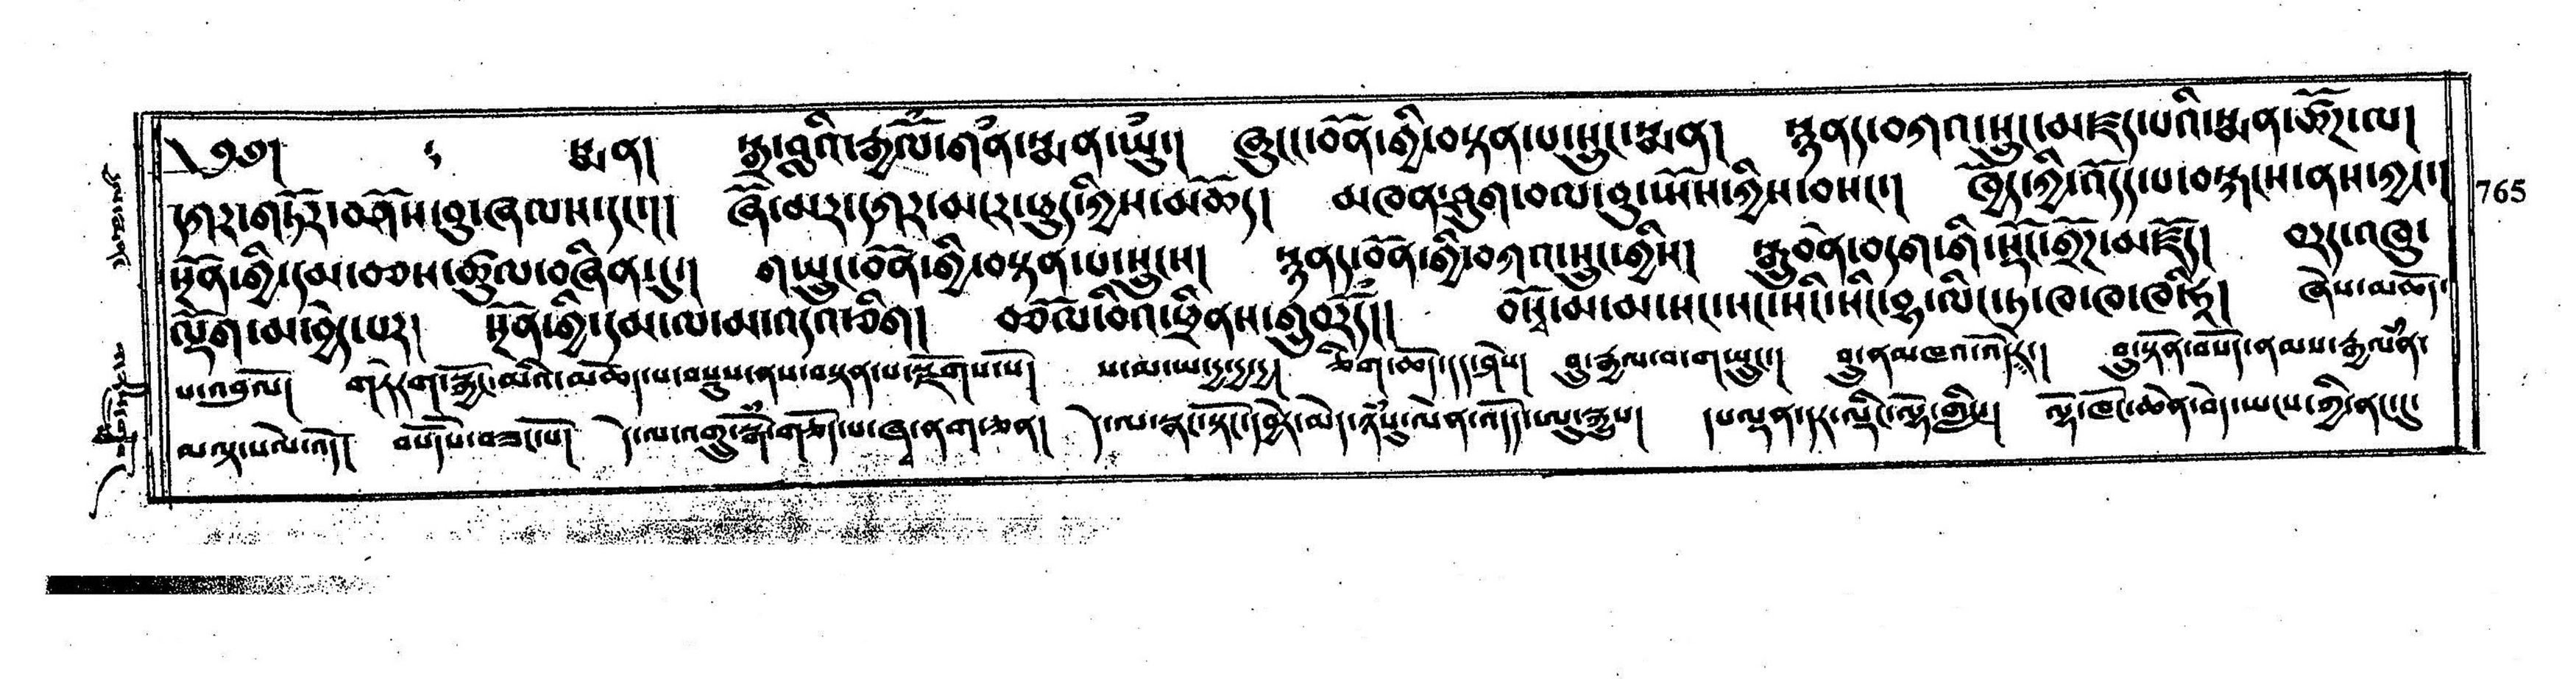སྨན། སྒྲ་བླའི་རྒྱལ་མོ་གནམ་སྨན་ཡུམ། ཞང་ཞུང་བོན་གྱི་བསྟན་སྲུང་སྨན། སྙན་རྒྱུད་བཀའ་སྲུང་མཛད་པའི་སྨན་ཚོགས་ལ། 
དཀར་གཏོར་བཤོས་བུ་ཞལ་ཟས་དང་།། ཞོ་མར་དཀར་མངར་ཕུད་ཀྱིས་མཆོད། མཁན་ཤུག་བལ་བུ་སྤོས་ཀྱིས་བསང་། ཁྱོད་ཀྱི་འདོད་པ་བསྐངས་ནས་ཀྱང་། 
སྔོན་གྱི་དམ་བཅས་ཚུལ་བཞིན་དུ། གཡུང་དྲུང་བོན་གྱི་བསྟན་པ་སྲུངས། སྙན་རྒྱུད་བོན་གྱི་བཀའ་སྲུང་གྱིས། སྒྲུབ་གཤེན་བདག་གི་སྡོང་གྲོགས་མཛོད། བར་ཆད་འཁུ་
ལྡོག་མ་བྱེད་པར། སྔོན་གྱི་དམ་ལ་མ་འདའ་ཅིག བཅོལ་བའི་ཕྲིན་ལས་གྲུབ་པར་མཛོད། བསྭོ་མ་མ་སང་སང་སིང་སིང་བྷ་ལིང་ཏ་ཁ་ཁ་ཁ་ཧཱི། ཞེས་མཆོད་པ་
འབུལ་ལོ། གཏེར་བདག་སྐྱོང་མའི་མཆོད་པ་བསྡུས་ནས་བསྟན་པ་རྫོགས་སོ། ས་མ་ཡ་རྒྱ་རྒྱ་རྒྱ། ཅིག་ཆོད་དད་ཤེས། བྲུ་རྒྱལ་བ་གཡུང་དྲུང་། བྲུ་ནམ་མཁའ་འོད་ཟེར། བྲུ་སྟོན་བསོད་ནམས་རྒྱལ་མཚན་
༼མལྟ་༽སལེ་འོད། བསོད་ནམས་བཟང་པོ། དེ་ལ་འགྲུ་སྒོམ་གཅོད་པ་ཞྭ་ནག་ཅན། དེ་ལ་སྣང་སྟོང་དབྱེར་མེད་ཉམས་སུ་ལེན་འདོད་ཨུ་སྐྱུས། དཔལ་ལྡན་དར་ལྡིང་ལྷོ་གླིང་། ལྷོ་ཁང་ཆེན་བདེ་ཡངས་ཀྱི་ནང་དུ་